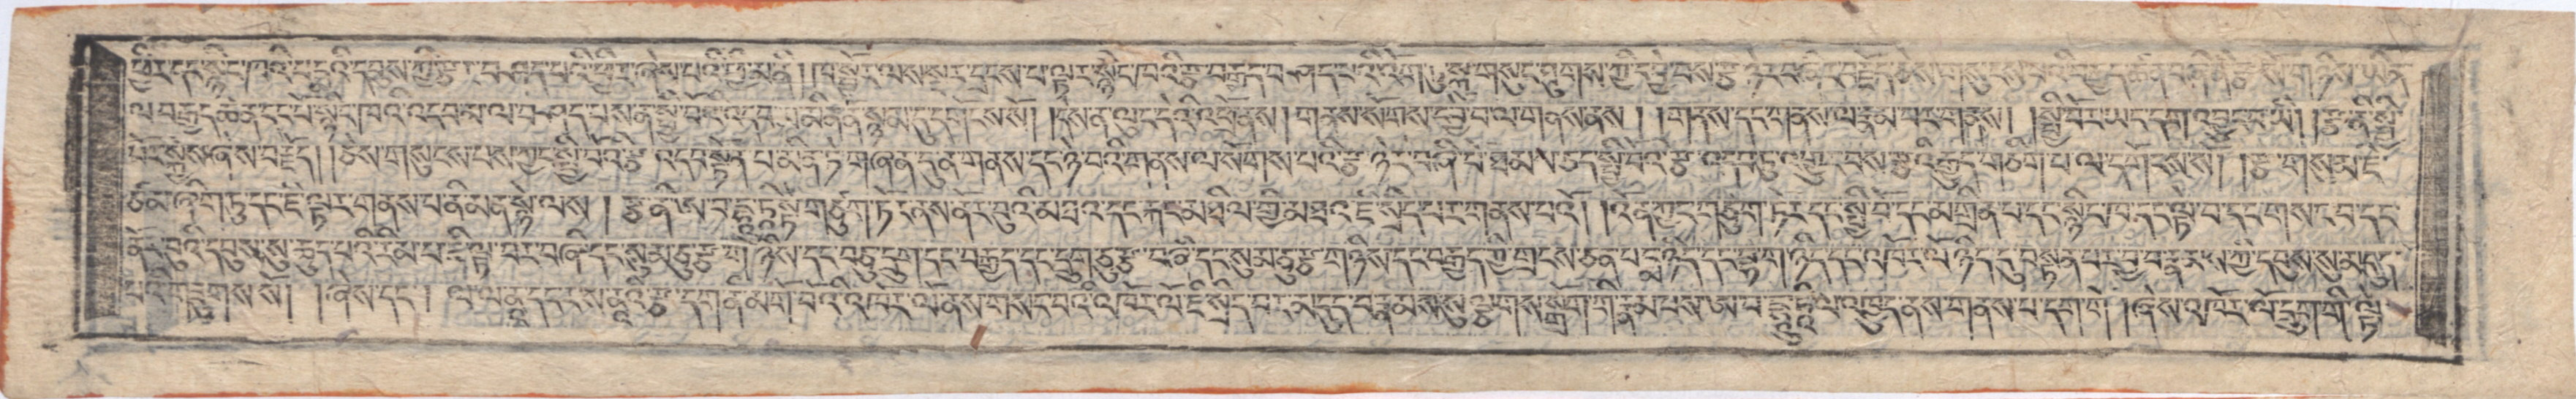ཕྱིར་དང་སྙིང་ཁའི་པདམའི་དབུས་ཀྱི་རྩར་བཤད་པའི་ཕྱིར་ཞེས་པའི་ཕྱི་མ་ནི། ཁ་སྦྱོར་ལས་སྔར་དྲངས་པ་ལྟར་སྙིང་ཁའི་རྩ་བརྒྱད་བཤད་པའི་འོག་ཏུ་སྐུ་གསུང་ཐུགས་ཀྱི་དབྱེ་བས་རྩ་ཉེར་བཞིར་བརྗོད་ཅེས་གསུངས་པའི་བརྒྱད་ཚན་བཞི་ནི་རྩ་སོ་གཉིས་ཡིན་
ལ་བརྒྱད་ཚན་དང་པོ་སྙིང་ཁའི་འདབ་མ་ལ་བཤད་པས་ན་སྤྱི་བོའི་འདབ་མ་མིན་ནོ་སྙམ་དུ་དགོངས་སོ། །དེས་ན་ལུང་དེའི་འཕྲོ་ནས། གནས་སོགས་དབྱེ་བ་ལ་གནས་ནས། །གནས་དང་གནས་ལ་རྣམ་པར་གནས། །སྤྱི་བོར་ཡང་དག་འབྱུང་བ་ཡི། །རྩ་ནི་སྤྱི་
བོར་སྐྱེས་ཞེས་བརྗོད། །ཅེས་གསུངས་པས་ཀྱང་སྤྱི་བོའི་རྩ་འདབ་སྟོན་པ་མིན་ཏེ་གཞན་དུ་ན་གནས་དང་ཉེ་བའི་གནས་ལ་སོགས་པའི་རྩ་ཉེར་བཞི་པོ་ཐམས་ཅད་སྤྱི་བོའི་རྩ་འདབ་ཏུ་འགྱུར་བས་རྩའི་རྒྱུད་གཅིག་པ་ལ་དགོངས་སོ། །རྩ་གསུམ་ཇི་
ཙམ་ཞིག་ཏུ་དང་ཇི་ལྟར་གནས་པ་ནི་མན་སྙེ་ལས། རྩ་ནི་ཨ་བ་དྷཱུ་ཏཱི་སྟེ་གཙུག་ཏོར་ནས་ནོར་བུའི་མཐའ་དང་རྐང་མཐིལ་གྱི་མཐའ་ཇི་སྲིད་པར་གནས་པའོ། །འོན་ཀྱང་གཙུག་ཏོར་དང་སྤྱི་བོ་དང་མགྲིན་པ་དང་སྙིང་ཁ་དང་ལྟེ་བ་དང་གསང་བ་དང་
ནོར་བུའི་དབུས་སུ་ཆུད་པའི་རིམ་པ་ཇི་ལྟ་བར་བཞི་དང་སུམ་ཅུ་རྩ་གཉིས་དང་བཅུ་དྲུག་དང་བརྒྱད་དང་དྲུག་ཅུ་རྩ་བཞི་དང་སུམ་ཅུ་རྩ་གཉིས་དང་བརྒྱད་ཀྱི་གྲངས་ཅན་པདམ་ཉིད་དང་བྷ་ག་ཉིད་དང་འཁོར་ལོ་ཉིད་དུ་བསྟན་པར་བྱ་བ་རྣམས་ཀྱི་དབུས་སུ་མདུད་
པའི་གཟུགས་སོ། །ཞེས་དང་། ལ་ལ་ནཱ་དང་ར་ས་ནཱའི་རྩ་དག་ནི་མགོ་བོའི་འཁོར་ལོ་ནས་གསང་བའི་འཁོར་ལོ་ཇི་སྲིད་བར་མདུད་པ་རྣམས་སུ་ལྕགས་སྒྲོག་གི་རྣམ་པས་ཨ་བ་དྷཱུ་ཏཱི་ལ་འཁྱུད་ནས་གནས་པ་དག་གོ །ཞེས་འཁོར་ལོ་དྲུག་གི་ལྟེ་